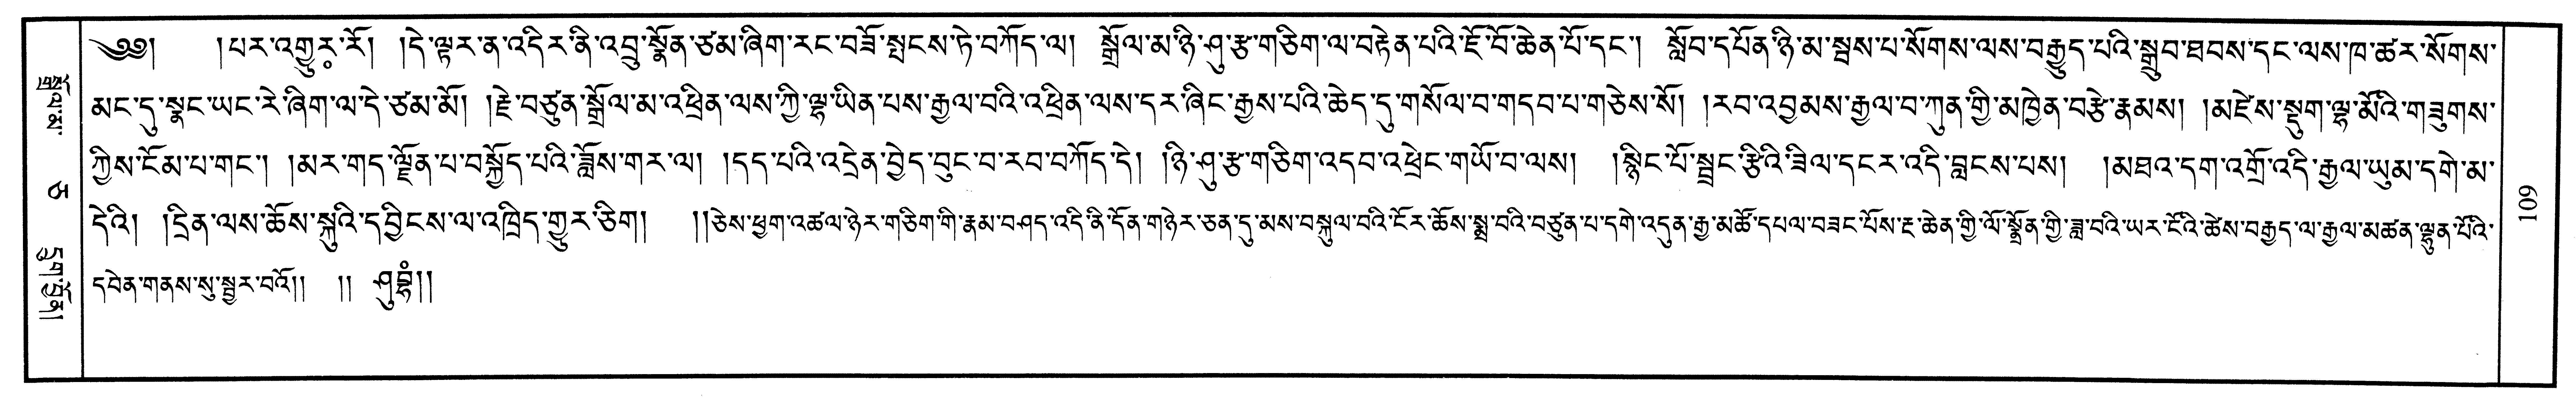༄༅། །པར་འགྱུར་རོ། །དེ་ལྟར་ན་འདིར་ནི་འབྲུ་སྣོན་ཙམ་ཞིག་རང་བཟོ་སྤངས་ཏེ་བཀོད་ལ། སྒྲོལ་མ་ཉི་ཤུ་རྩ་གཅིག་ལ་བརྟེན་པའི་ཇོ་བོ་ཆེན་པོ་དང་། སློབ་དཔོན་ཉི་མ་སྦས་པ་སོགས་ལས་བརྒྱུད་པའི་སྒྲུབ་ཐབས་དང་ལས་ཁ་ཚར་སོགས་
མང་དུ་སྣང་ཡང་རེ་ཞིག་ལ་དེ་ཙམ་མོ། །རྗེ་བཙུན་སྒྲོལ་མ་འཕྲིན་ལས་ཀྱི་ལྷ་ཡིན་པས་རྒྱལ་བའི་འཕྲིན་ལས་དར་ཞིང་རྒྱས་པའི་ཆེད་དུ་གསོལ་བ་གདབ་པ་གཅེས་སོ། །རབ་འབྱམས་རྒྱལ་བ་ཀུན་གྱི་མཁྱེན་བརྩེ་རྣམས། །མཛེས་སྡུག་ལྷ་མོའི་གཟུགས་
ཀྱིས་ངོམ་པ་གང་། །མར་གད་ལྗོན་པ་བསྐྱོད་པའི་ཟློས་གར་ལ། །དད་པའི་འདྲེན་བྱེད་བུང་བ་རབ་བཀོད་དེ། །ཉི་ཤུ་རྩ་གཅིག་འདབ་འཕྲེང་གཡོ་བ་ལས། །སྙིང་པོ་སྦྲང་རྩིའི་ཟིལ་དངར་འདི་བླངས་པས། །མཐའ་དག་འགྲོ་འདི་རྒྱལ་ཡུམ་དགེ་མ་
དེའི། །དྲིན་ལས་ཆོས་སྐུའི་དབྱིངས་ལ་འཁྲིད་གྱུར་ཅིག།། །།ཅེས་ཕྱག་འཚལ་ཉེར་གཅིག་གི་རྣམ་བཤད་འདི་ནི་དོན་གཉེར་ཅན་དུ་མས་བསྐུལ་བའི་ངོར་ཆོས་སྨྲ་བའི་བཙུན་པ་དགེ་འདུན་རྒྱ་མཚོ་དཔལ་བཟང་པོས་རྔ་ཆེན་གྱི་ལོ་སྣྲོན་གྱི་ཟླ་བའི་ཡར་ངོའི་ཚེས་བརྒྱད་ལ་རྒྱལ་མཚན་ལྷུན་པོའི་
དབེན་གནས་སུ་སྦྱར་བའོ།། །།ཤུབྷཾ།།